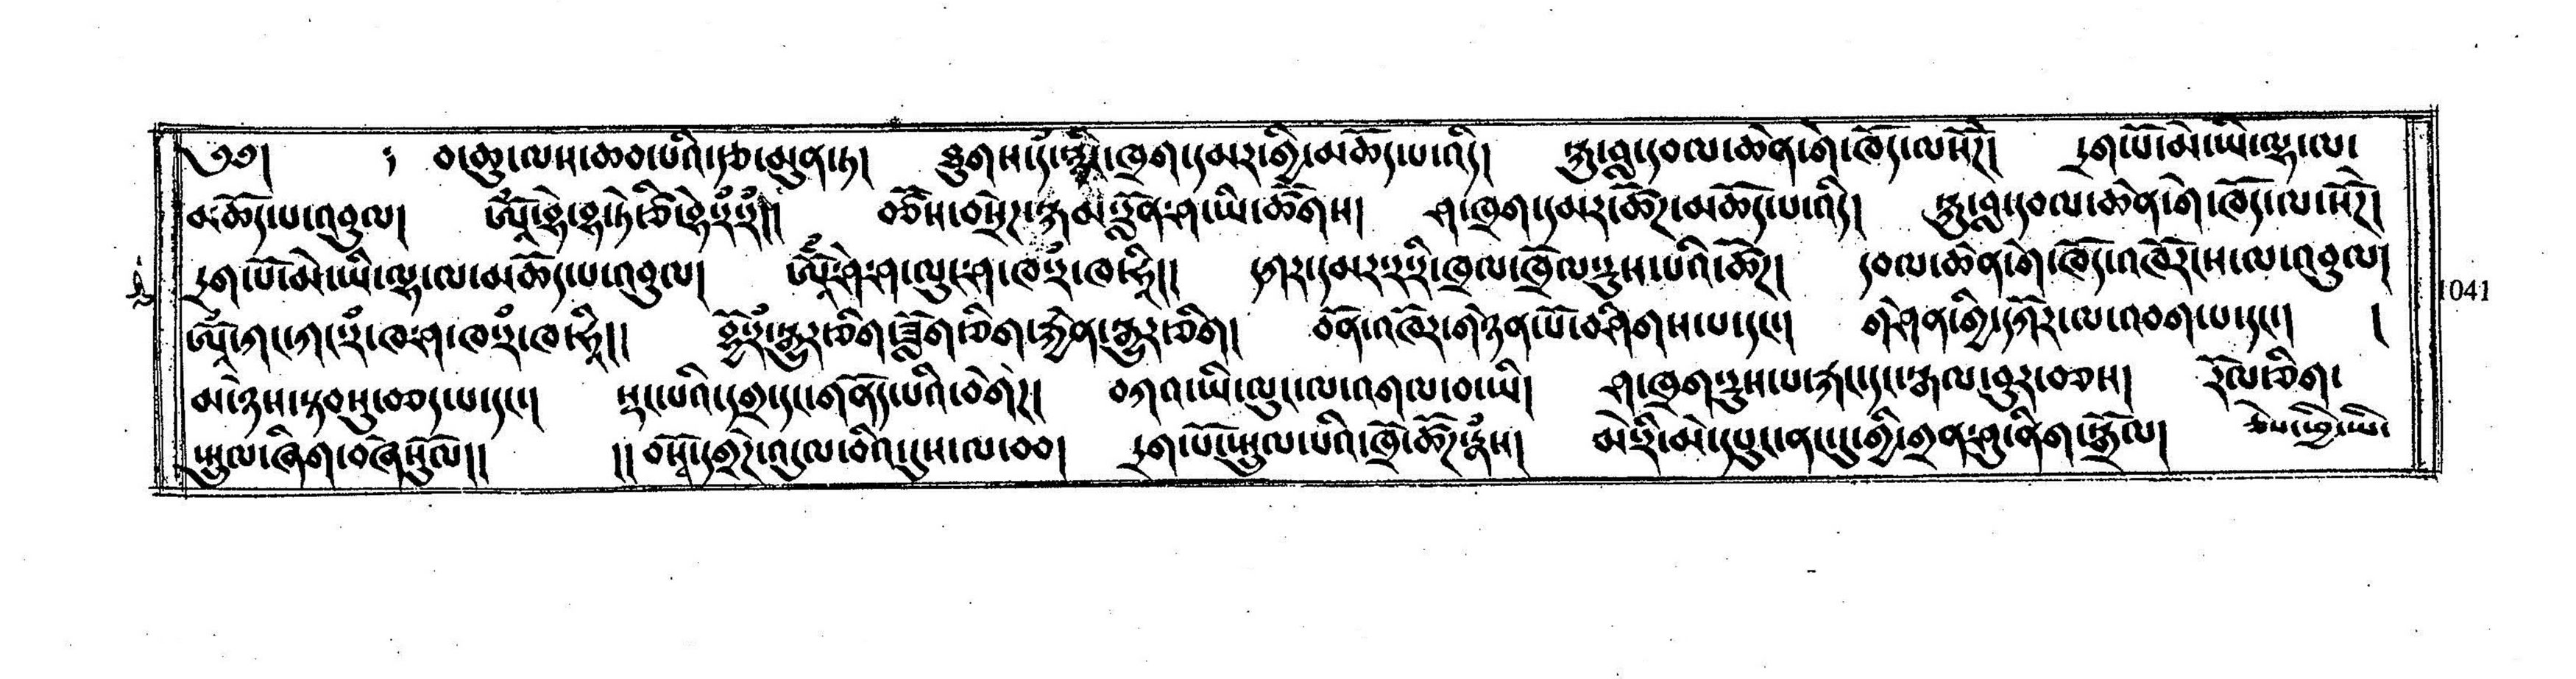བ་ཆུ་ལས་ཆབ་པའི་རྩ་མུན་ཏ། ཐུགས་དམ་སྙིང་ཁྲག་དམར་གྱི་མཆོད་པ་འདི། སྐུ་བླ་དབལ་ཆེན་གེ་ཁོད་ལས་སོགས། དྲག་པོ་མེ་ཡི་ལྷ་ལ་
མཆོད་འབུལ། ཨཱོཾ་བྷེ་བྷ་ཏེ་ཙི་བྷེ་རཾ་རཾ།། བཙོས་བསྲེགས་སྐམ་རློན་ཤ་ཡི་ཚོགས། ཤ་ཁྲག་དམར་ཚོགས་མཆོད་པ་འདི། སྐུ་བླ་དབལ་ཆེན་གེ་ཁོད་ལ་སོགས་
ཏེ། དྲག་པོ་མེ་ཡི་ལྷ་ལ་མཆོད་པ་འབུལ། ཨཱོཾ་ཤེ་ཤ་ལུང་ཤ་ཁ་རཾ་ཁ་ཧཱི།། དཀར་དམར་ར་རི་ཁྲལ་ཁྲོལ་རུས་པའི་ཚོགས། དབལ་ཆེན་གེ་ཁོད་འཁོར་དང་བཅས་ལ་འབུལ། 
ཨཱོཾ་ཀང་ཀང་རཾ་ཁ་ཤ་ཁ་རཾ་ཁ་ཧཱི།། བྷྱོ་རཾ་སྒྱུར་ཅིག་ཟློག་ཅིག་རྐྱེན་སྒྱུར་ཅིག བོན་འཁོར་གཉེན་པོ་བཤིགས་པ་དང་། གཤེན་གྱི་དཀར་པོ་ལ་འབག་པ་དང་། 
མ་ཉེས་སྟབས་སུ་བཅད་པ་དང་། སྡང་པའི་དགྲ་དང་གནོད་པའི་བགེགས། བཀའ་ཡི་ལུང་ལ་འགལ་བ་ཡི། ཤ་ཁྲག་རུས་པ་རྐང་དང་སྒལ་བུར་བཅས། རོལ་ཅིག་
སྤྲུལ་ཞིག་བཞེས་སུ་གསོལ།། །།བསྭོ་དགྲ་བགེགས་འདུལ་བའི་དུས་ལ་བབ། དྲག་པོ་སྤྲུལ་པའི་ཁྲོ་ཚོགས་རྣམས། མེ་རི་མེ་དཔུང་ནང་དུ་གྱི་གྲན་ཤུ་ནིག་སྒྲོལ། ཅེས་ཕྱི་ཡི་